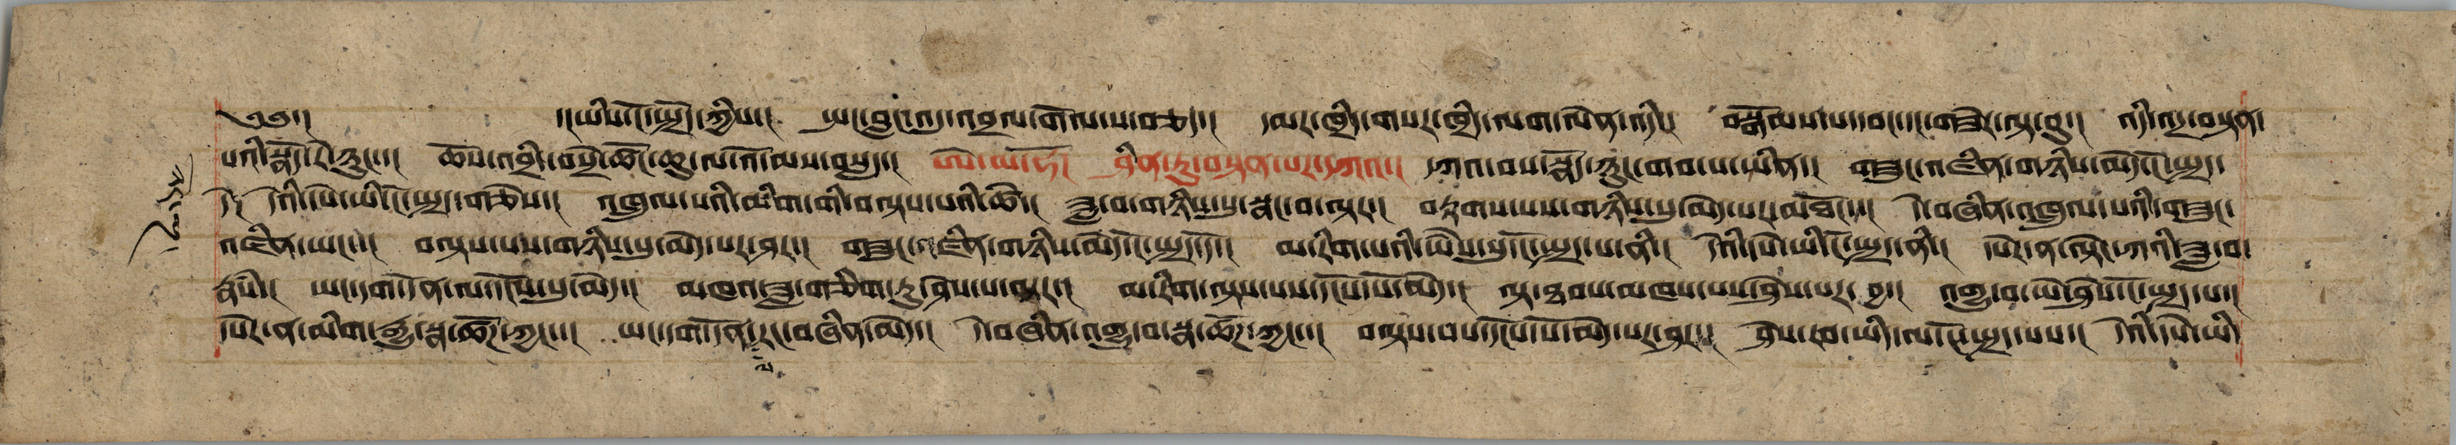༄༅་། ་།ཡིས་ངོ་སྤྲོད་ཀྱིས་། སྤང་བླང་འདུ་འབྲལ་གོལ་ས་བཅད་། དམར་ཁྲིད་གསར་ཁྲིད་ལག་ལེན་འདི་། བསྒོམས་པ་དབང་དང་གཟེར་ལྟ་བུ་། འདི་འདྲ་བསྟན་
པའི་སྣོད་རེ་ཉུང་་། ཆོས་འབྲིད་བསྲེ་ཚོང་ཆུ་ལ་འོད་མས་བསླད་། ཨེ་མ་ཧོ། ཤིན་ཏུ་བསྟན་པར་དཀའ་། དཀའ་བས་སྣོད་ཉུང་གབ་པ་ཡིན་། གཟུང་འཛིན་གཉིས་མེད་ངོ་སྤྲད་
དེ༑ དེའི་དཔེ་ཡི་ངོ་སྤྲད་གཅེས་། འཁྲུལ་པའི་མིག་གི་བལྟསཔའི་ཚེ་། ཟླ་བ་གཉིས་སུ་སྣང་བ་ལྟར་། བརྟགས་པས་གཉིས་སུ་མེད་པར་མཐོང་་། དེ་བཞིན་འཁྲུལ་པའི་གཟུང་
འཛིན་ཡང་་། བལྟས་པས་གཉིས་སུ་མེད་པར་ཤར་། གཟུང་འཛིན་གཉིས་མེད་ངོ་སྤྲད་དོ་། མ་རིག་པའི་ཡཻས་སུ་ངོ་སྤྲད་པ་ནི་། དེའི་དཔེ་ཡི་ངོ་སྤྲད་ནི་། དཔེར་ན་ལྟེང་ཀའི་ཟླ་བ་
རྣཾས་། ཡང་དག་དོན་ལ་དངོས་སུ་མེད་། མཁའ་ཟླ་གཅིག་ཏུ་ཤེས་པ་ལྟར་། མ་རིག་ལྟས་པས་དངོས་པོ་མེད་། ལྟ་ཐབས་མཁས་པས་ཤེས་པར་བྱ་། འགྱུ་བ་ཡེ་ཤེས་ངོ་སྤྲད་པ་།
དཔེར་ན་མིག་རྒྱུ་སྣ་ཚོཌ་ཀྱང་་། ཡང་དག་དོན་རང་བཞིན་མེད་། དེ་བཞིན་འགྱུ་བ་སྣ་ཚོཌ་ཀྱང་་། བལྟས་བས་དངོས་པོ་མེད་པར་ཤར་། ཤེས་རབ་ཡིད་ལ་ངོ་སྤྲད་པས་། དེའི་དཔེ་ཡི་